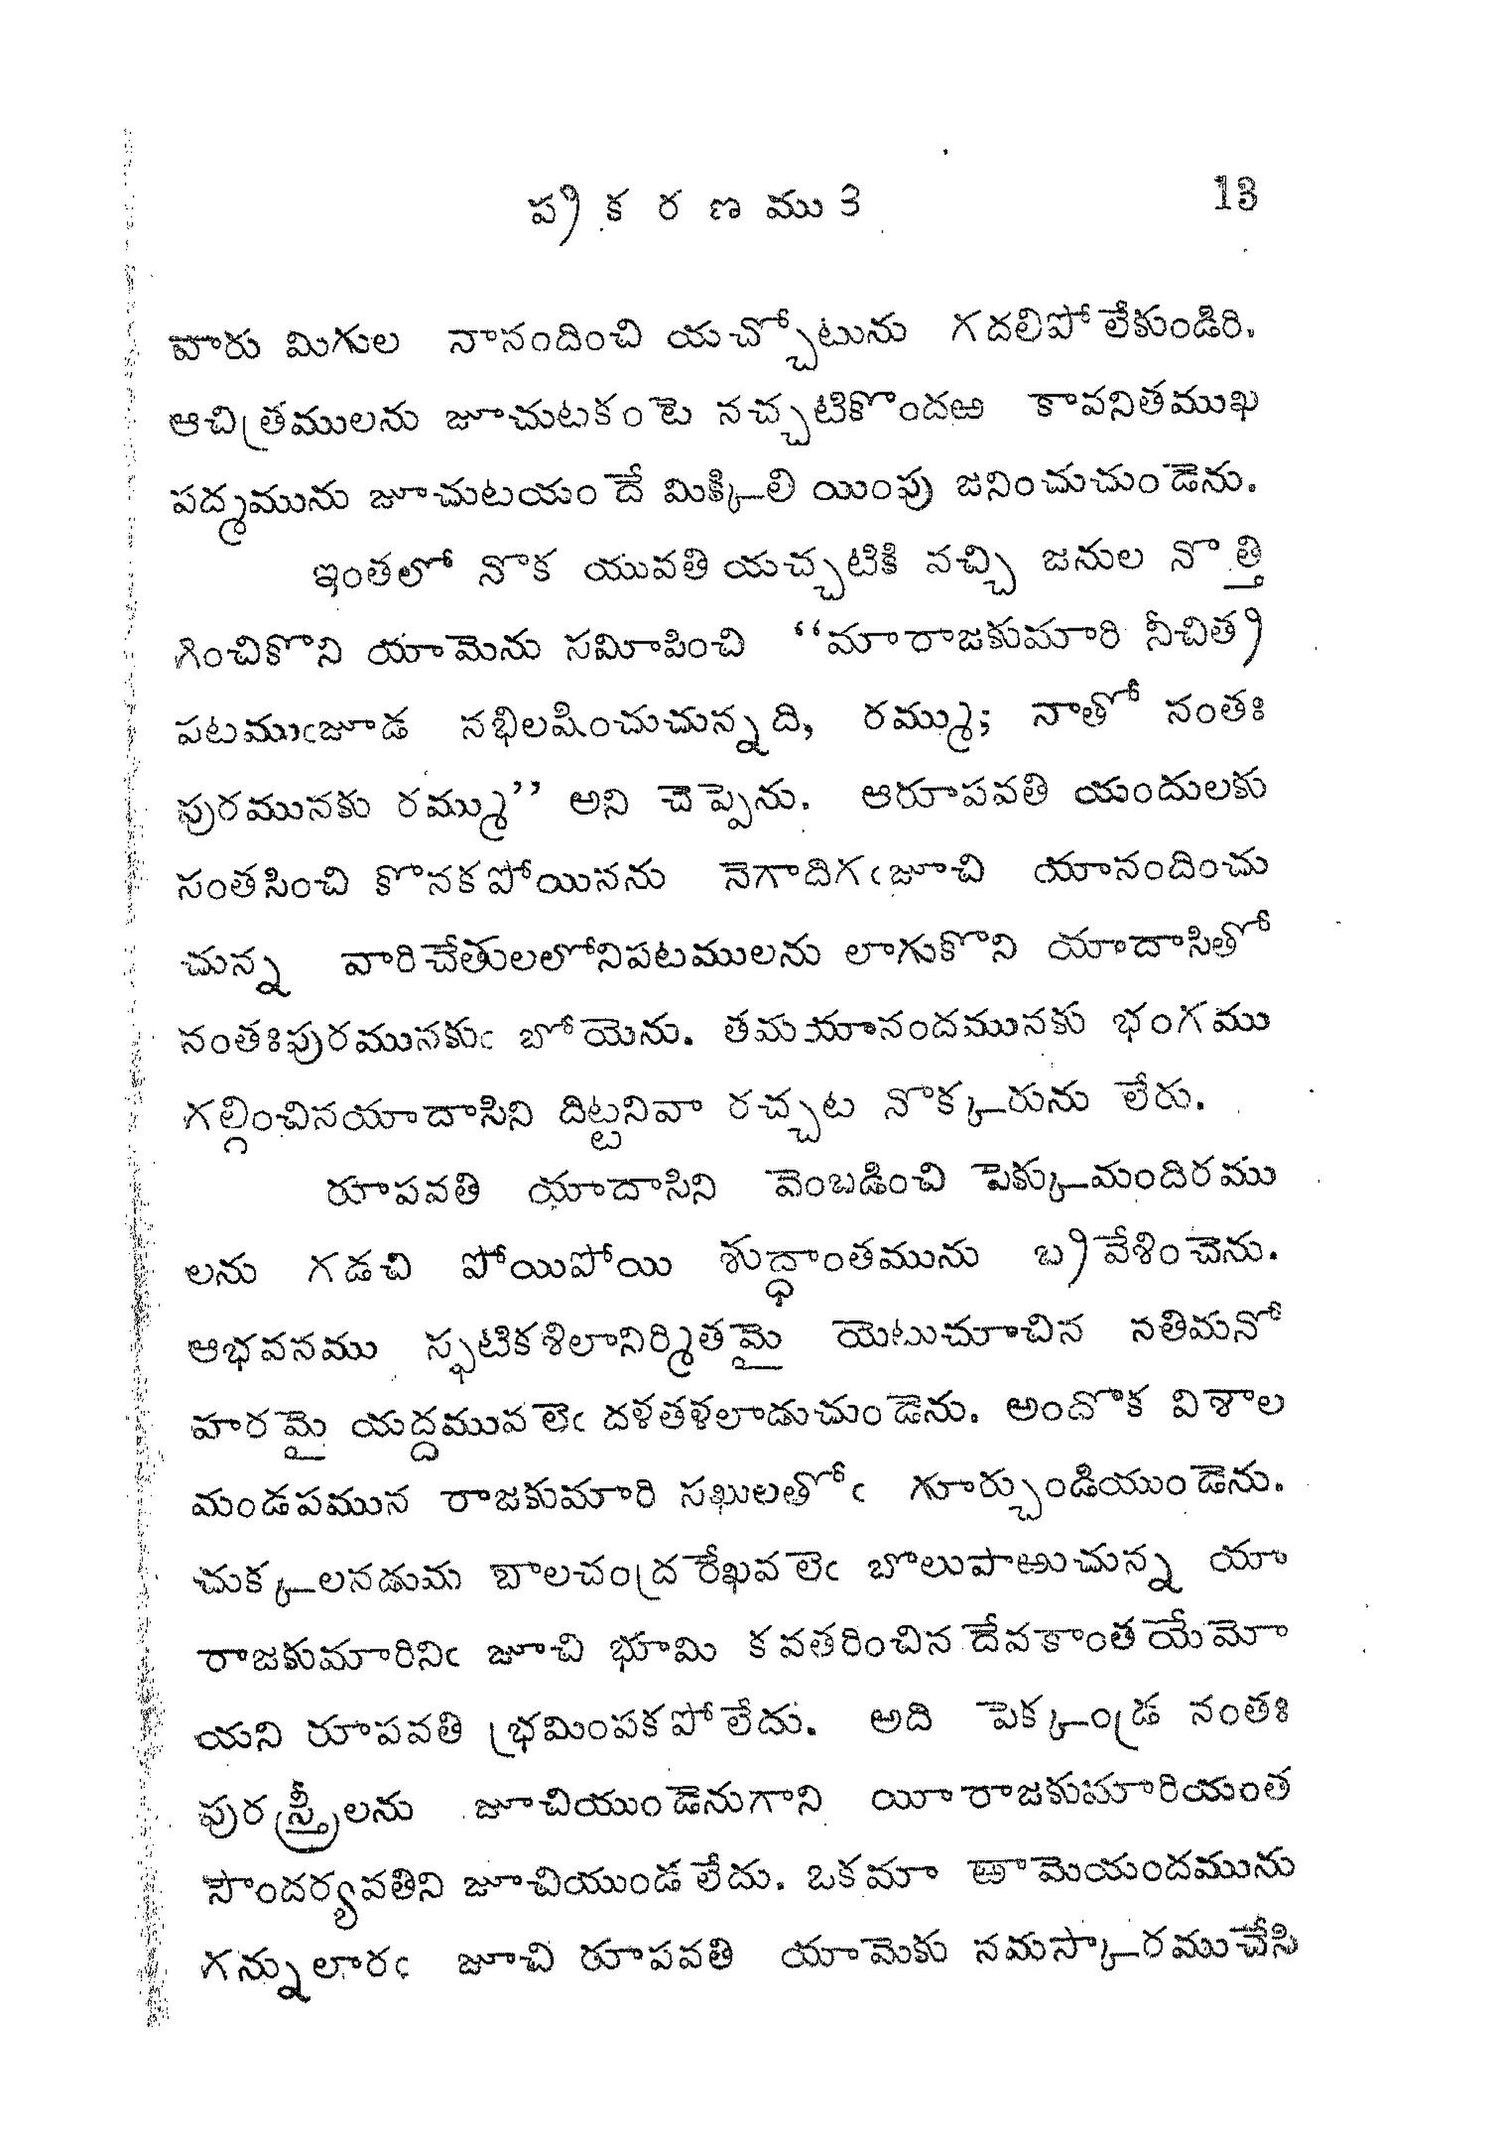వారు మిగుల నానందించి యచ్చోటును గదలిపో లేకుండిరి, ఆచిత్రములను జూచుటకంటె నచ్చటి కొందఱు కావనిత ముఖ పద్మమును జూచుటయందే మిక్కిలి యింపు జనించుచుండెను. ఇంతలో నొక యువతి యచ్చటికి వచ్చి జనుల నొత్తి గించికొని యామెను సమీపించి “మా రాజకుమారి నీచిత్ర పటముఁజూడ నభిలషించుచున్నది, రమ్ము; నాతో నంతః పురమునకు రమ్ము” అని చెప్పెను. ఆరూపవతి యందులకు సంతసించి కొనక పోయినను నెగాదిగఁజూచి యానందించు చున్న వారి చేతులలోనిపటములను లాగుకొని యాదాసితో నంతఃపురమునకుఁ బోయెను. తమయానందమునకు భంగము గల్గించిన యాదాసిని దిట్టనివా రచ్చట నొక్కరును లేరు. రూపవతి యాదాసిని వెంబడించి పెక్కుమందిరము లను గడచి పోయిపోయి శుద్ధాంతమును ప్రవేశించెను. ఆభవనము స్ఫటిక శిలా నిర్మితమై యెటుచూచిన నతిమనో హరమై యద్దమువ లేఁ దళతళలాడుచుండెను. అందొక విశాల మండపమున రాజకుమారి సఖులతోఁ గూర్చుండియుం డెను. చుక్కలనడుమ బాలచంద్ర రేఖవ లెఁ బోలుపాఱుచున్న యా రాజకుమారినిఁ జూచి భూమి కవతరించిన దేవకాంతయేమో యని రూపవతి భ్రమింపక పోలేదు. అది పెక్కండ్ర నంతః పుర స్త్రీలను జూచియుండెనుగాని యీ రాజకుమారియంత సౌందర్యవతిని జూచియుండ లేదు. ఒకమాఱామెయందమును గన్ను లారఁ జూచి రూపవతి యామెకు నమస్కారము చేసి